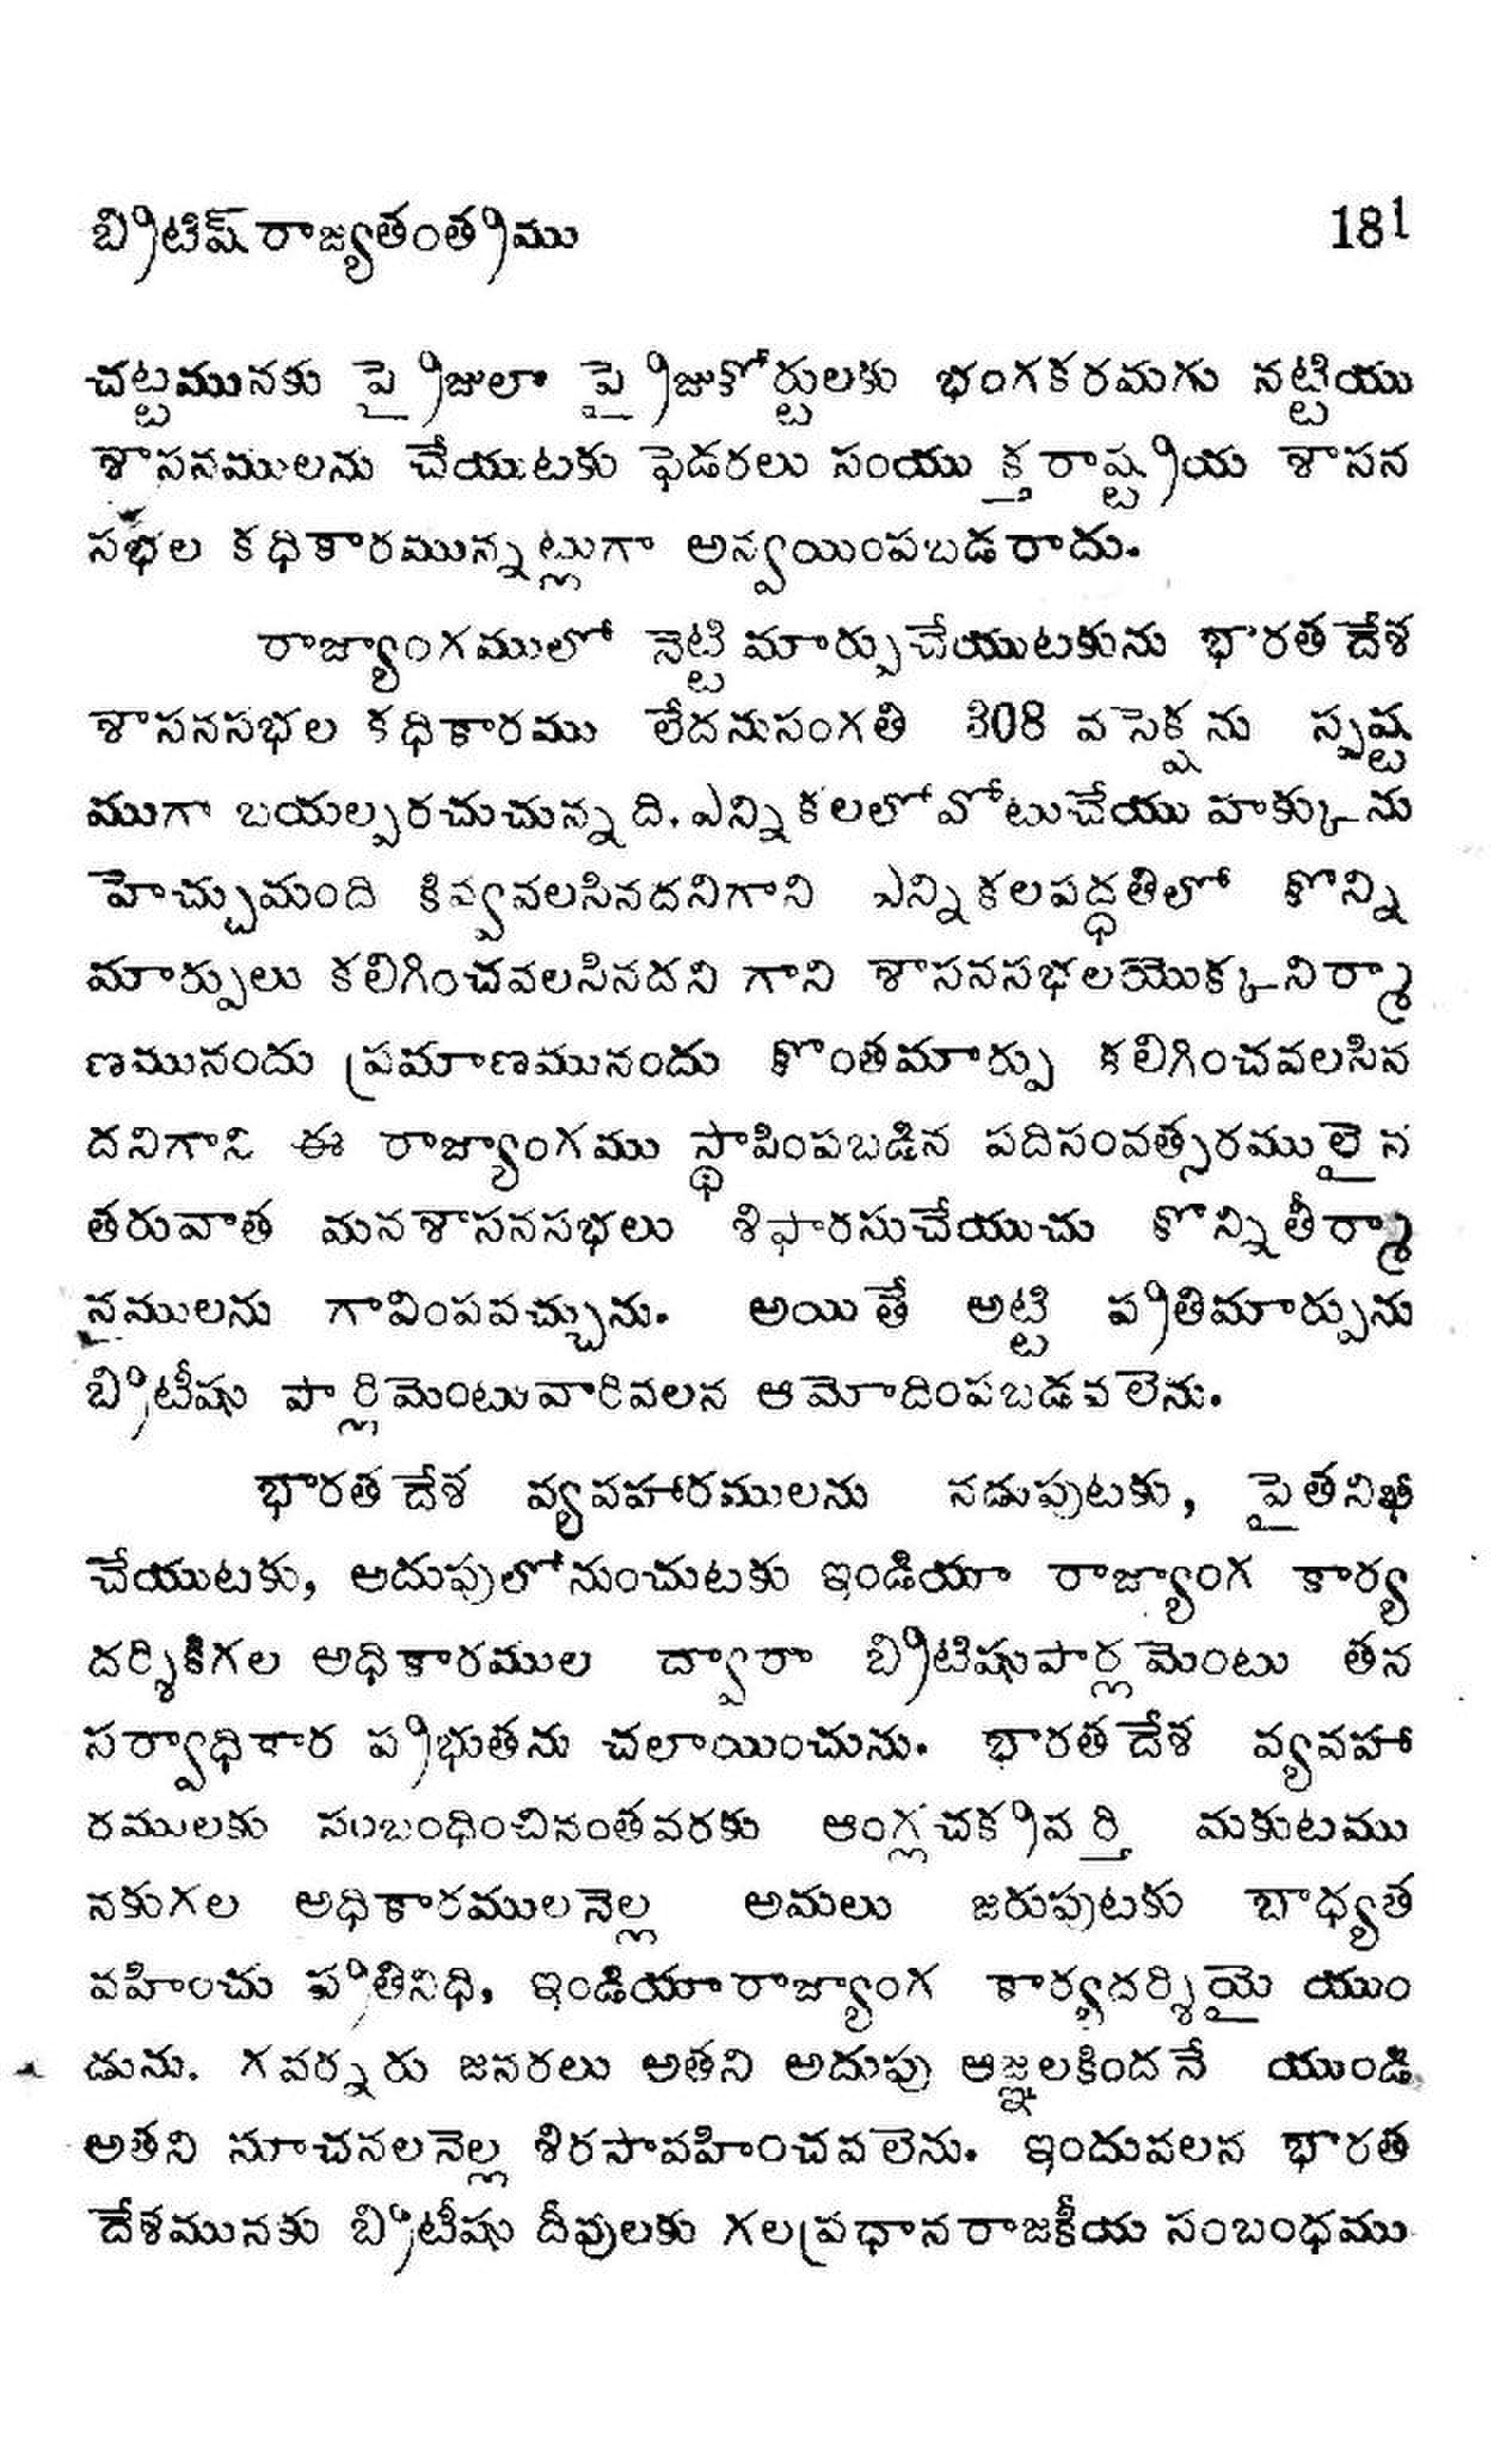చట్టమునకు ప్రైజులా ప్రైజుకోర్టులకు భంగకరమగు నట్టియు శాసనములను చేయుటకు ఫెడరలు సంయుక్తరాష్ట్రయ శాసనసభల కధికారమున్నట్లుగా అన్వయింపబడరాదు.

రాజ్యాంగములో నెట్టిమార్పుచేయుటకును భారతదేశ శాసనసభల కధికారము లేదనుసంగతి 308 వ సెక్షను స్పష్టముగా బయల్పరచుచున్నది. ఎన్నికలలో వోటుచేయు హక్కును హెచ్చుమంది కివ్వవలసినదనిగాని ఎన్నికలపద్ధతిలో కొన్నిమార్పులు కలిగించవలసినదనిగాని శాసనసభలయొక్క నిర్మాణమునందు ప్రమాణమునందు కొంతమార్పు కలిగించవలసిన దనిగాని ఈ రాజ్యాంగము స్థాపింపబడిన పదిసంవత్సరములైన తరువాత మనశాసనసభలు శిఫారసుచేయుచు కొన్నితీర్మానములను గావింపవచ్చును. అయితే అట్టి ప్రతిమార్పును బ్రిటీషు పార్లిమెంటువారివలన ఆమోదింపబడవలెను.

భారతదేశ వ్యవహారములను నడుపుటకు , పై తనిఖీచేయుటకు, అదుపులోనుంచుటకు ఇండియా రాజ్యాంగ కార్యదర్శికిగల అధికారముల ద్వారా బ్రిటిషుపార్లమెంటు తన సర్వాధికార ప్రభుతను చలాయించును. భారతదేశ వ్యవహారములకు సంబంధించినంతవరకు ఆంగ్లచక్రవర్తి. మకుటమునకుగల అధికారములనెల్ల అమలు జరుపుటకు బాధ్యతవహించు ప్రతినిధి, ఇండియారాజ్యాంగ కార్యదర్శియై యుండును, గవర్నరు జనరలు అతని అదుపు ఆజ్ఞలక్రిందనే యుండి అతని సూచనలనెల్ల శిరసావహించవలెను. ఇందువలన భారతదేశమునకు బ్రిటీషు దీవులకు గలప్రధానరాజకీయ సంబంధము